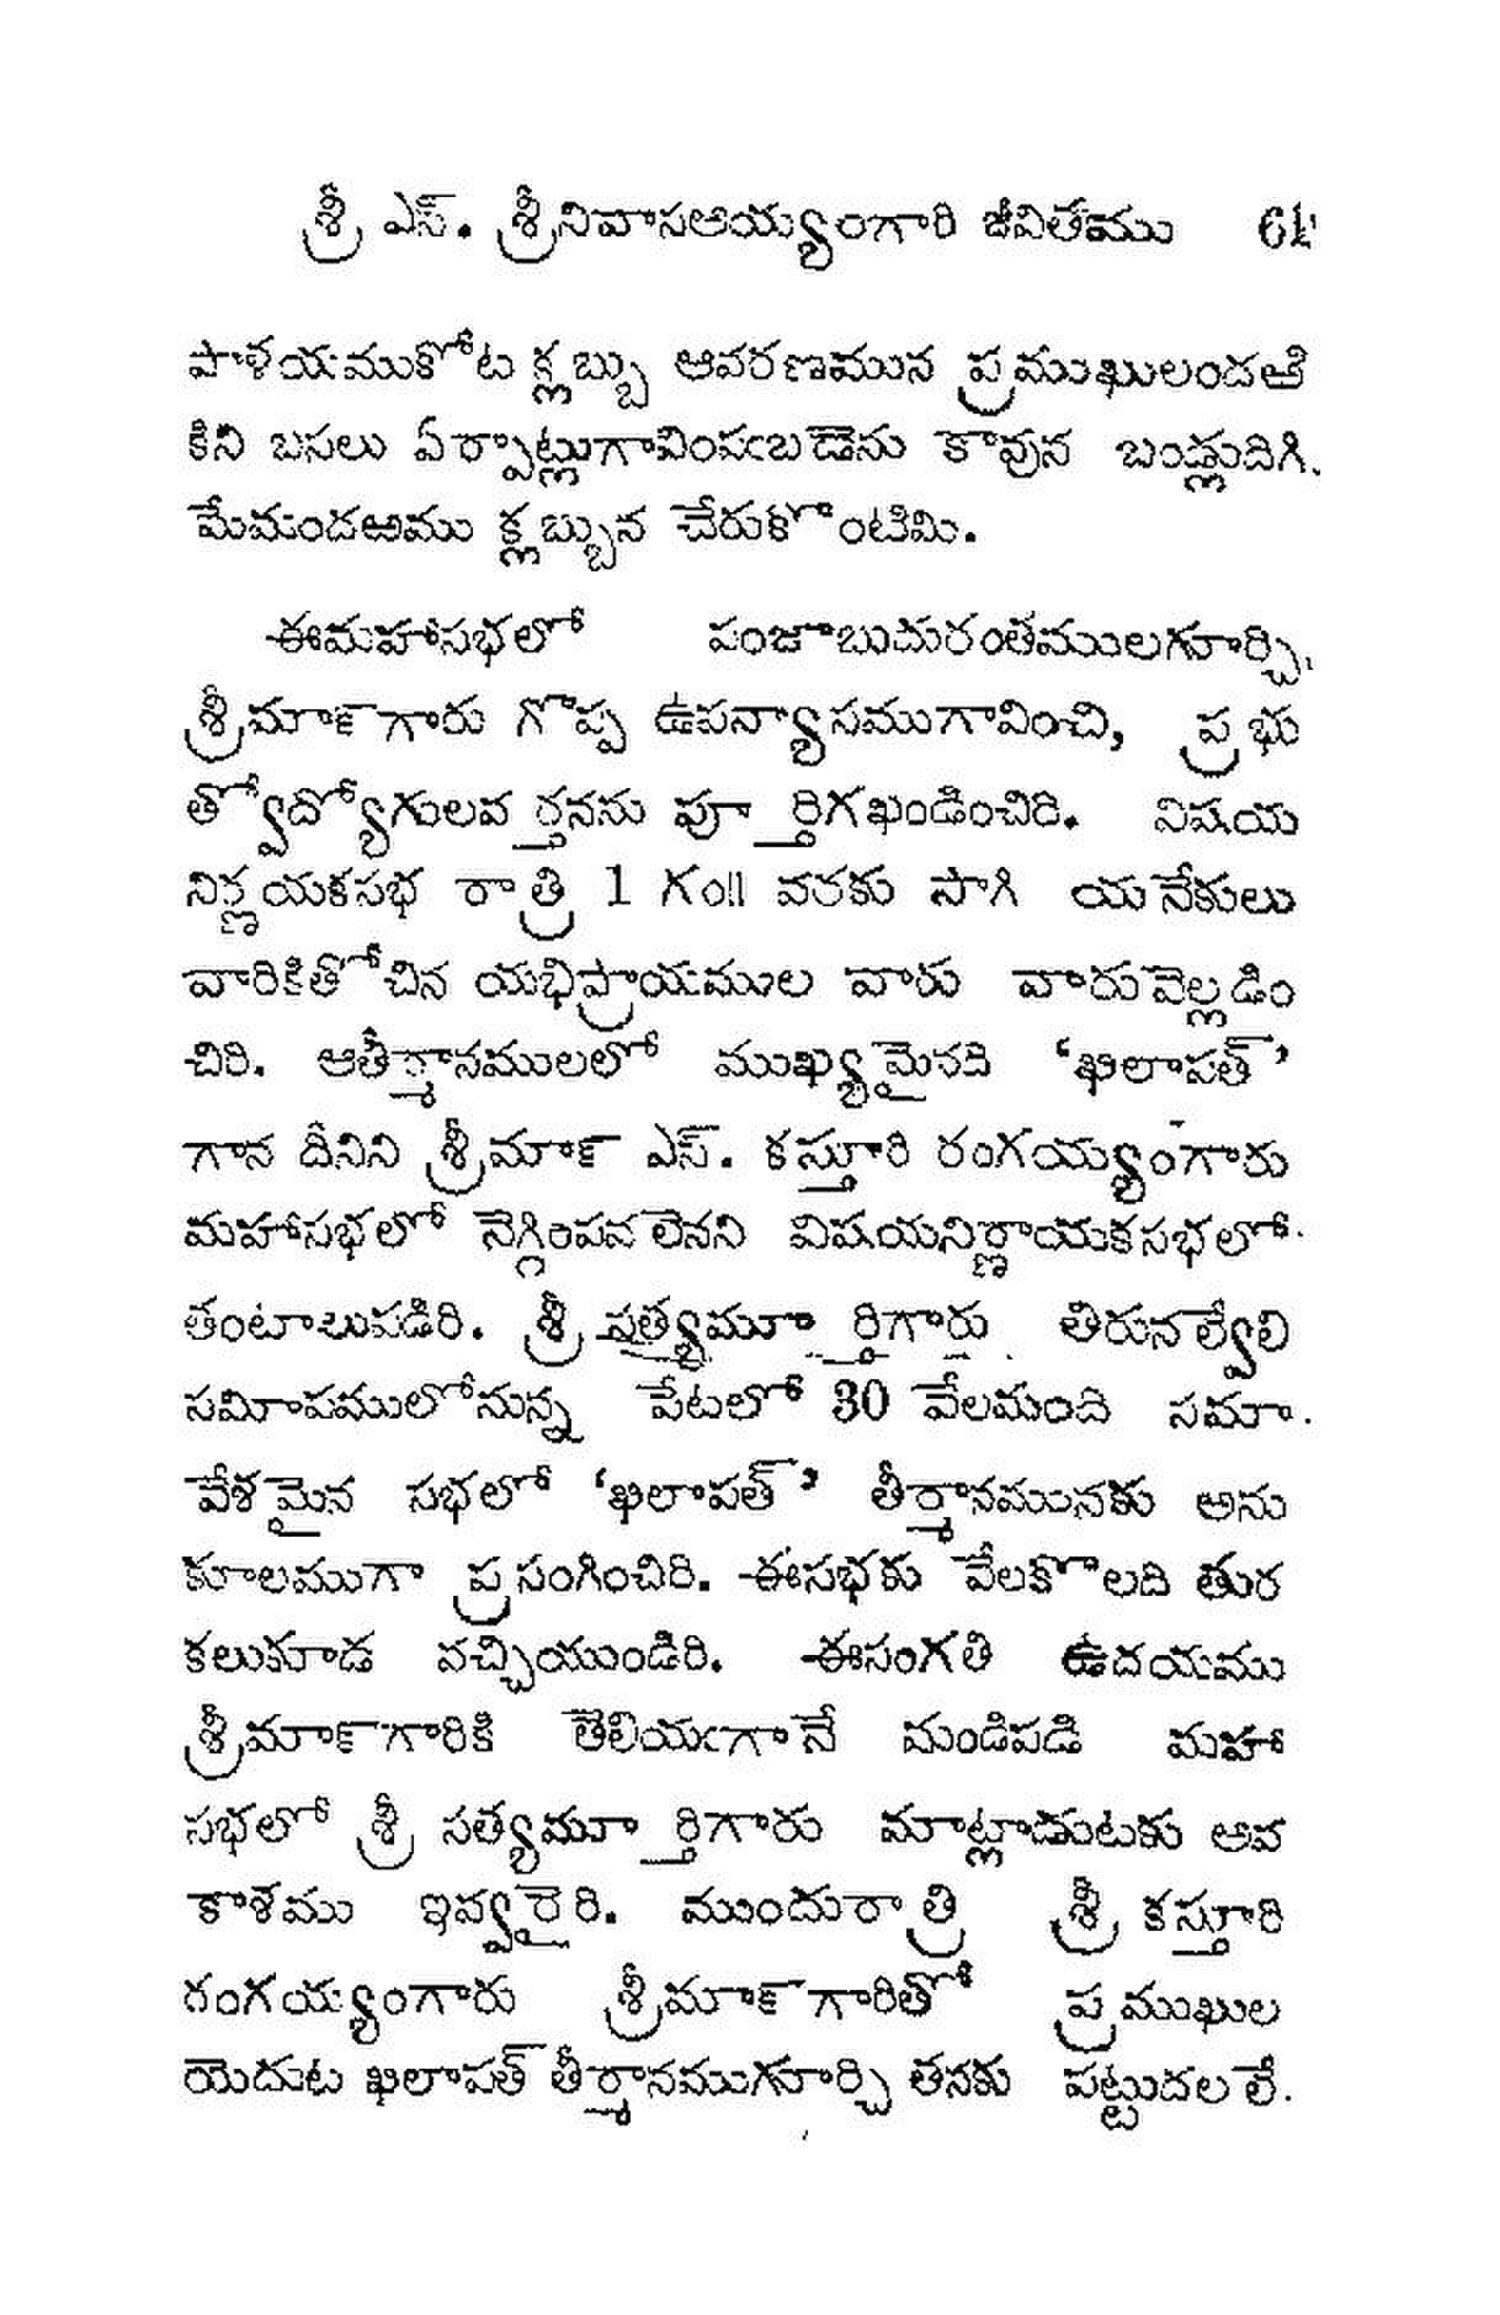పాళయముకోటక్లబ్బు ఆవరణమున ప్రముఖులందఱికిని బసలు ఏర్పాట్లుగావింపఁబడెను కావున బండ్లుదిగి మేమందఱము క్లబ్బున చేరుకొంటిమి.

ఈమహాసభలో పంజాబుదురంతములగూర్చి, శ్రీమా౯గారు గొప్ప ఉపన్యాసముగావించి, ప్రభుత్వోద్యోగులవర్తనను పూర్తిగఖండించిరి. విషయనిర్ణయకసభ రాత్రి 1 గం!! వరకు సాగి యనేకులు వారికితోచిన యభిప్రాయముల వారు వారువెల్లడించిరి. ఆతీర్మానములలో ముఖ్యమైనది 'ఖిలాఫత్‌' గాన దీనిని శ్రీమా౯ ఎస్. కస్తూరి రంగయ్యంగారు మహాసభలో నెగ్గింపవలెనని విషయనిర్ణాయకసభలో తంటాలుపడిరి. శ్రీ సత్యమూర్తిగారు తిరునల్వేలి సమీపములోనున్న పేటలో 30 వేలమంది సమావేశమైన సభలో 'ఖిలాఫత్‌' తీర్మానమునకు అనుకూలముగా ప్రసంగించిరి. ఈసభకు వేలకొలది తురకలుకూడ వచ్చియుండిరి. ఈసంగతి ఉదయము శ్రీమా౯గారికి తెలియఁగానే మండిపడి మహాసభలో శ్రీ సత్యమూర్తిగారు మాట్లాడుటకు అవకాశము ఇవ్వరైరి. ముందురాత్రి శ్రీ కస్తూరి రంగయ్యంగారు శ్రీమా౯గారితో ప్రముఖుల యెదుట ఖిలాపత్ తీర్మానముగూర్చి తనకు పట్టుదలలే